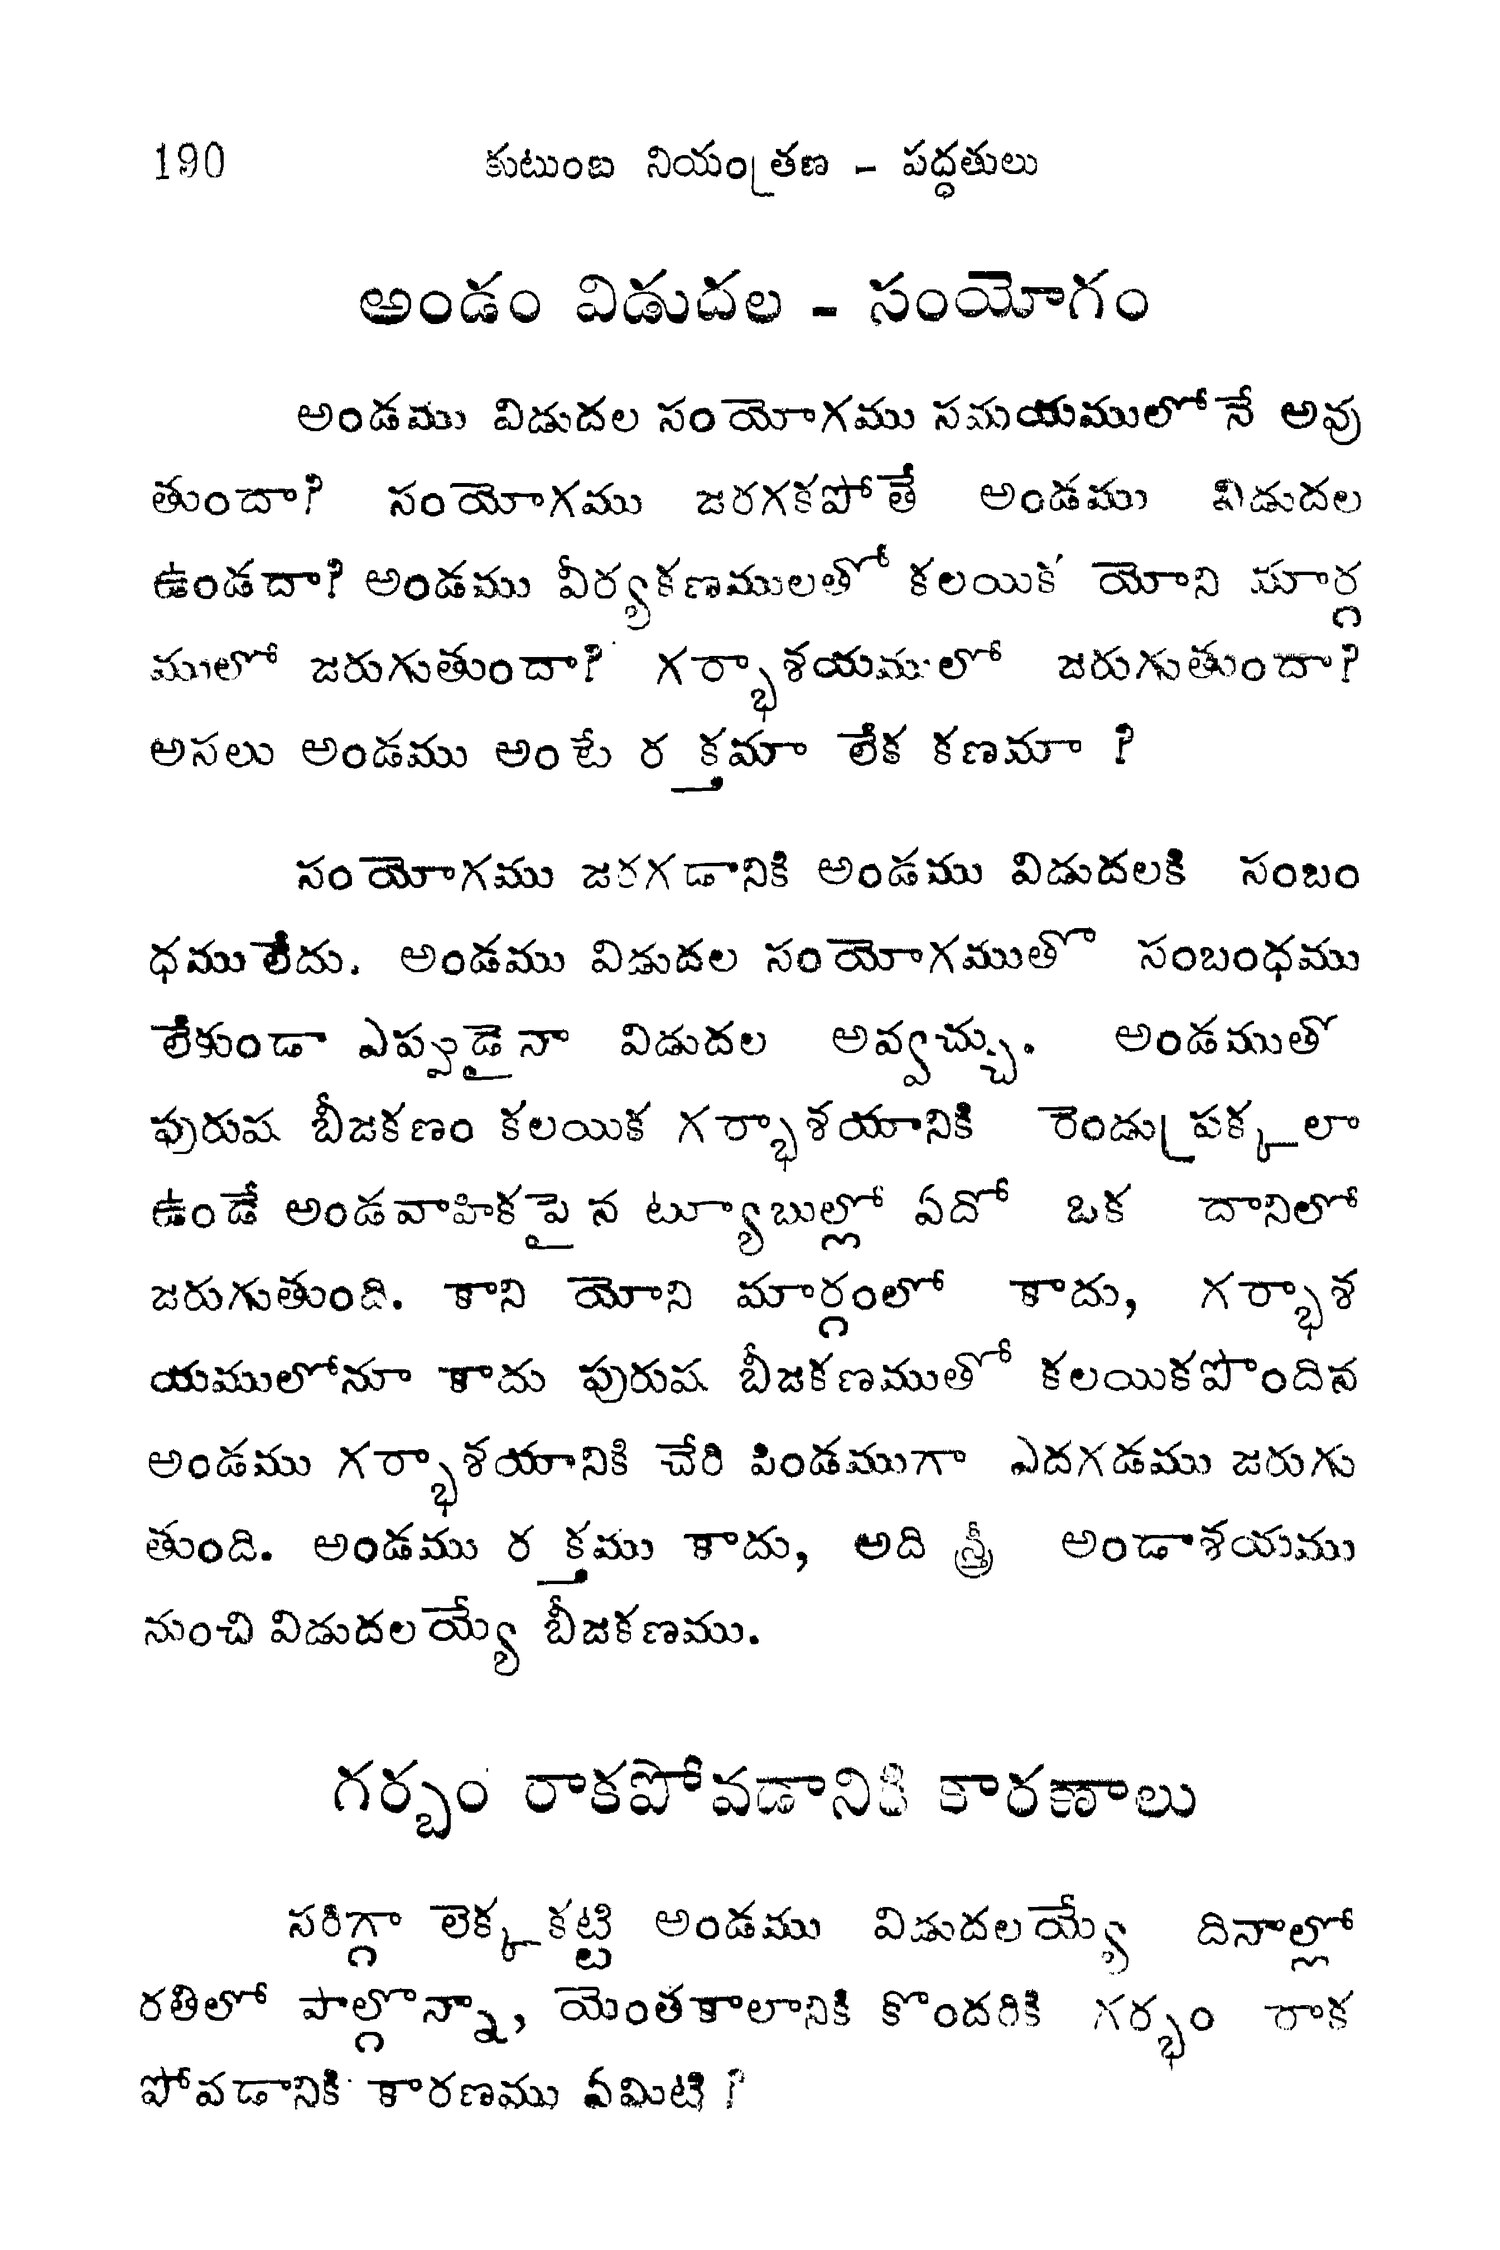అండం విడుదల సంయోగము సమయములోనే అవుతుందా? సంయోగము జరగకపోతే అండము విడుదల ఉండదా? అండము వీర్యకణములతో కలయిక యోని మార్గములో జరుగుతుందా? గర్భాశయంలో జరుగుతుందా? అసలు అండము అంటే రక్తమా లేక కణమా?

సంయోగము జరగడానికి అండము విడుదలకి సంబంధములేదు. అండము విడుదల సంయోగముతో సంబంధము లేకుండా ఎప్పుడైనా విడుదల అవ్వచ్చు. అండముతో పురుష బీజకణం కలయిక గర్భాశయానికి రెండుప్రక్కలా ఉండే అండవాహికపైన ట్యూబుల్లో ఏదో ఒక దానిలో జరుగుతుంది. కాని యోని మార్గంలో కాదు, గర్భాశయములోనూ కాదు పురుష బీజకణముతో కలయికపొందిన అండము గర్భాశయానికి చేరి పిండముగా ఎదగడము జరుగుతుంది. అండము రక్తము కాదు, అది స్త్రీ అండాశయము నుంచి విడుదలయ్యే బీజకణము.

సరిగ్గా లెక్కకట్టి అండము విడుదలయ్యే దినాల్లో రతిలో పాల్గొన్నా, యెంతకాలానికి కొందరికి గర్భం రాక పోవడానికి కారణము ఏమిటి?